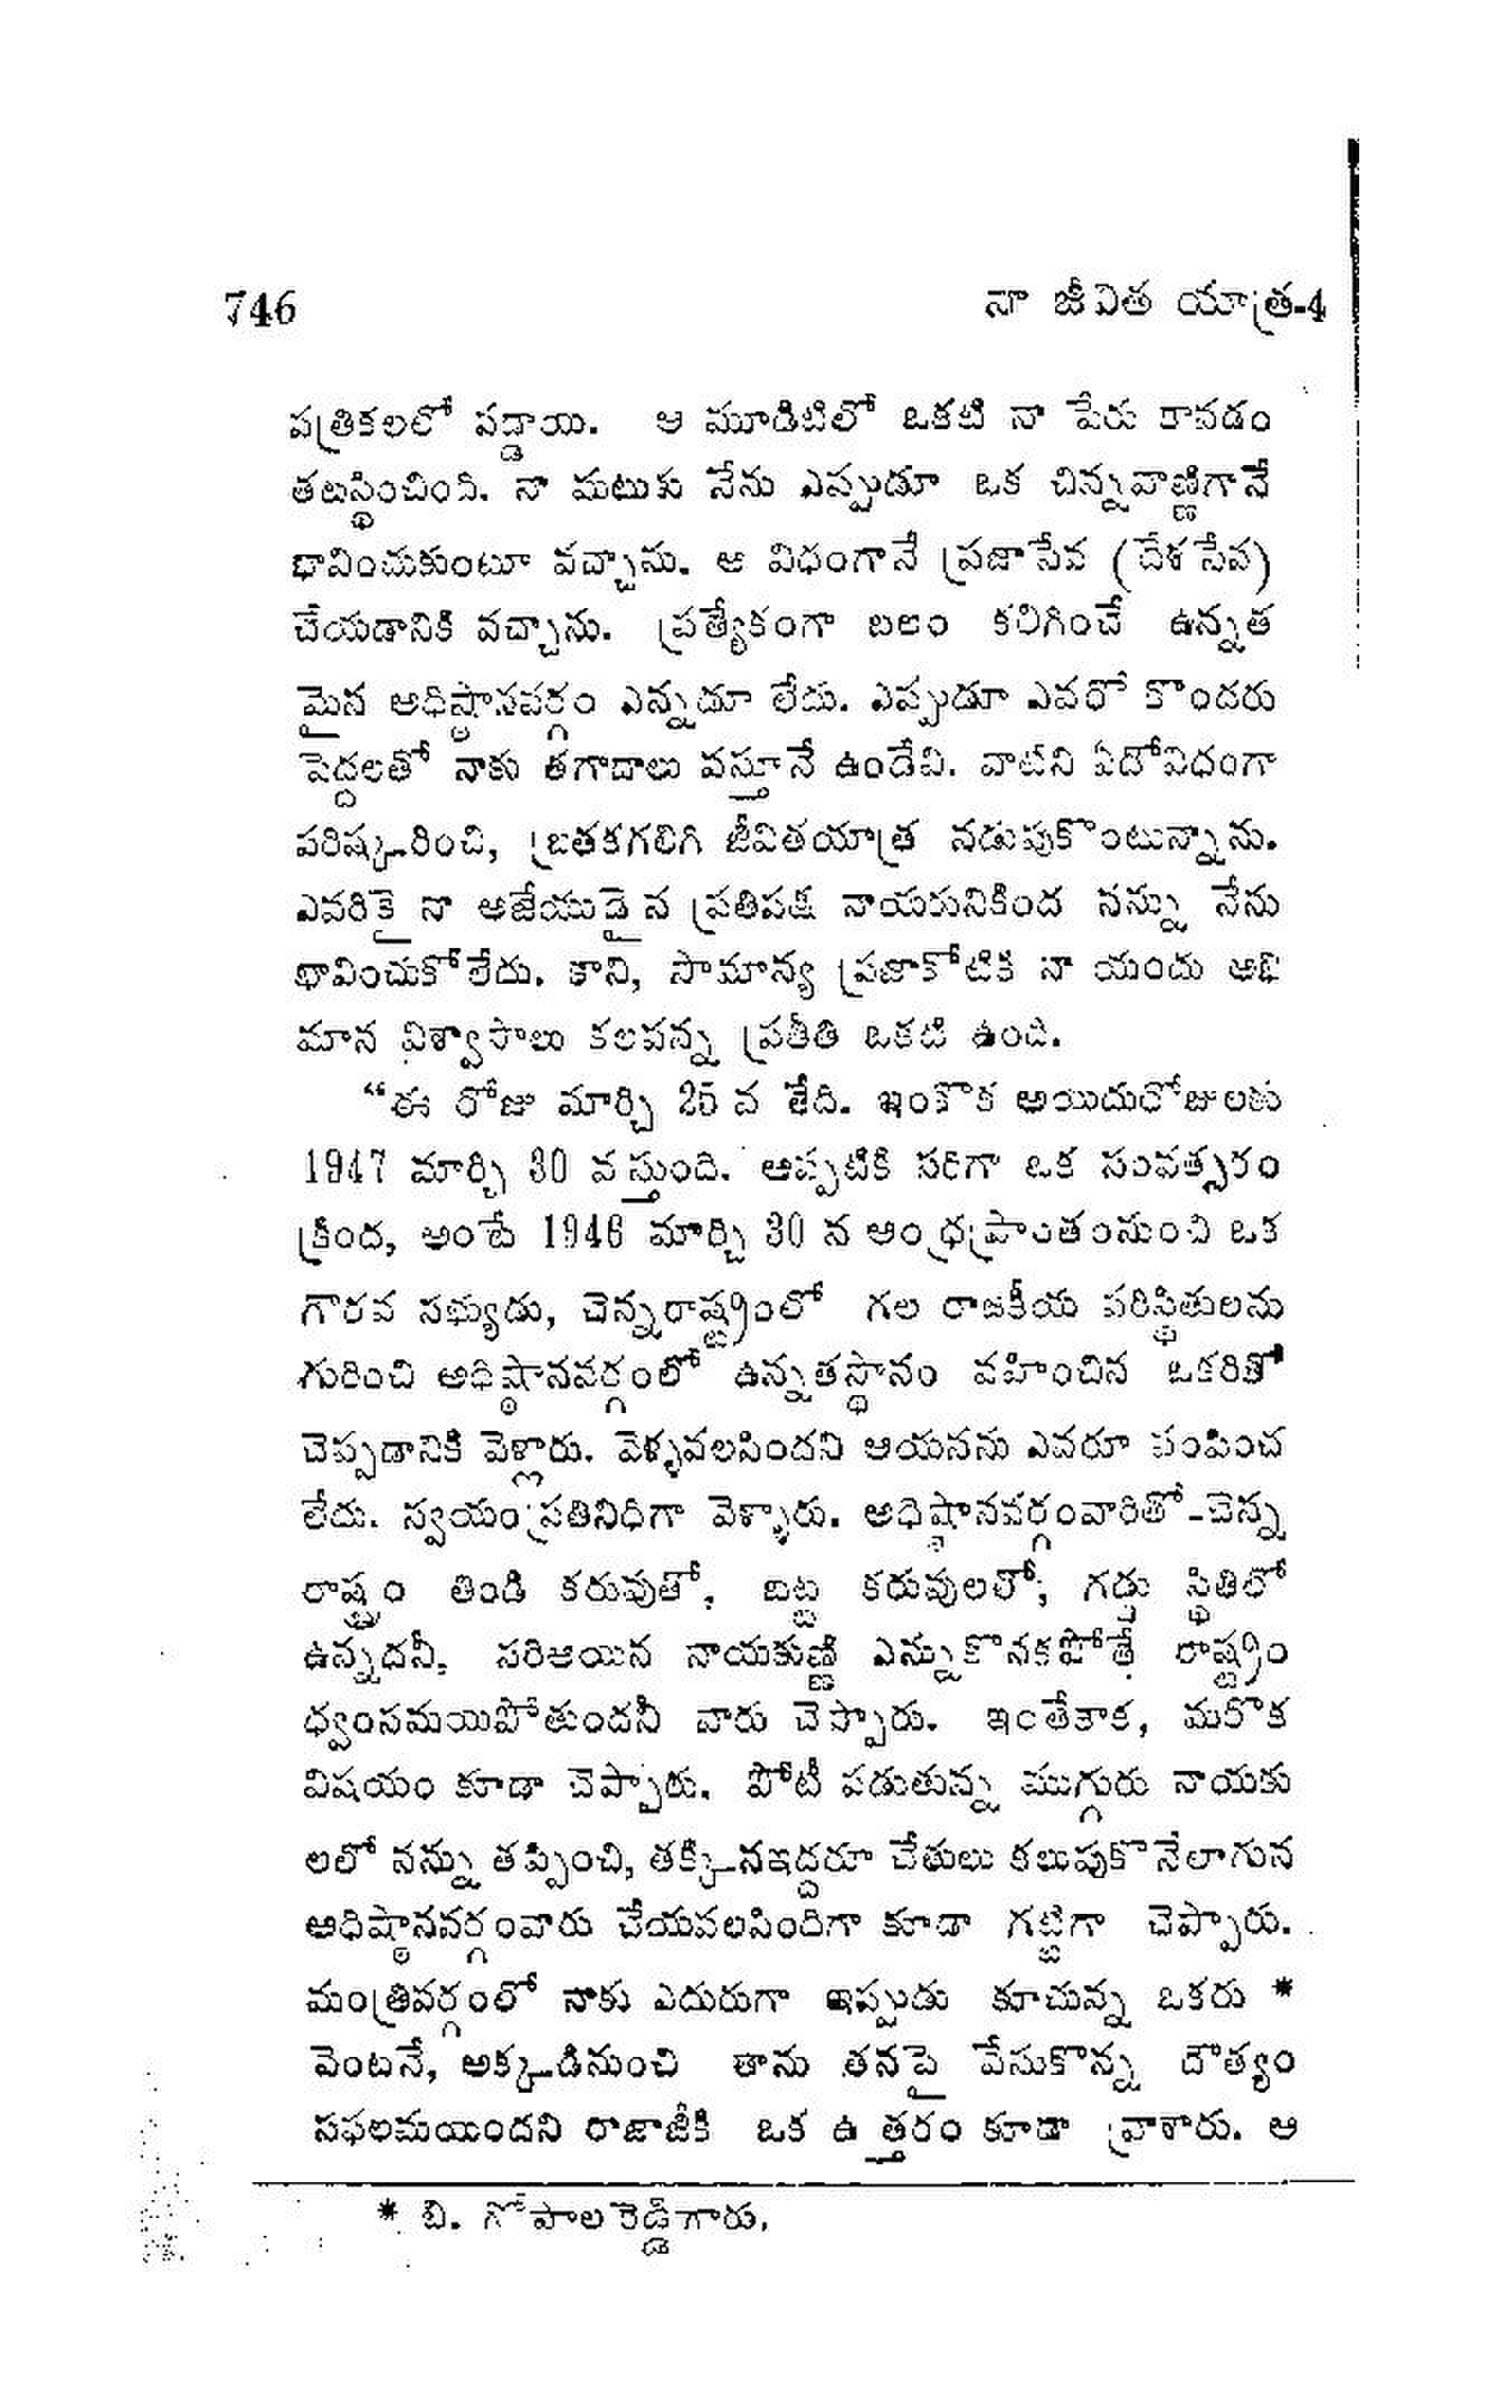పత్రికలలో పడ్డాయి. ఆ మూడిటిలో ఒకటి నా పేరు కావడం తటస్థించింది. నా మటుకు నేను ఎప్పుడూ ఒక చిన్నవాణ్ణిగానే భావించుకుంటూ వచ్చాను. ఆ విధంగానే ప్రజాసేవ (దేశసేవ) చేయడానికి వచ్చాను. ప్రత్యేకంగా బలం కలిగించే ఉన్నతమైన అధిష్ఠానవర్గం ఎన్నడూ లేదు. ఎప్పుడూ ఎవరో కొందరు పెద్దలతో నాకు తగాదాలు వస్తూనే ఉండేవి. వాటిని ఏదోవిధంగా పరిష్కరించి, బ్రతకగలిగి జీవితయాత్ర నడుపుకొంటున్నాను. ఎవరికైనా అజేయుడైన ప్రతిపక్ష నాయకునికింద నన్ను నేను భావించుకోలేదు. కాని, సామాన్య ప్రజాకోటికి నా యందు అభిమాన విశ్వాసాలు కలవన్న ప్రతీతి ఒకటి ఉంది.

"ఈ రోజు మార్చి 25 వ తేది. ఇంకొక అయిదు రోజులకు 1947 మార్చి 30 వస్తుంది. అప్పటికి సరిగా ఒక సంవత్సరం క్రింద, అంటే 1946 మార్చి 30 న ఆంధ్రప్రాంతంనుంచి ఒక గౌరవ సభ్యుడు, చెన్నరాష్ట్రంలో గల రాజకీయ పరిస్థితులను గురించి అధిష్ఠానవర్గంలో ఉన్నతస్థానం వహించిన ఒకరితో చెప్పడానికి వెళ్లారు. వెళ్ళవలసిందని ఆయనను ఎవరూ పంపించ లేదు. స్వయం ప్రతినిధిగా వెళ్ళారు. అధిష్ఠానవర్గంవారితో - చెన్న రాష్ట్రం తిండి కరువుతో, బట్ట కరువులలో, గడ్డు స్థితిలో ఉన్నదనీ, సరి అయిన నాయకుణ్ణి ఎన్నుకొనకపోతే రాష్ట్రం ధ్వంసమయిపోతుందనీ వారు చెప్పారు. ఇంతేకాక, మరొక విషయం కూడా చెప్పారు. పోటీ పడుతున్న ముగ్గురు నాయకులలో నన్ను తప్పించి, తక్కిన ఇద్దరూ చేతులు కలుపుకొనేలాగున అధిష్ఠానవర్గంవారు చేయవలసిందిగా కూడా గట్టిగా చెప్పారు. మంత్రివర్గంలో నాకు ఎదురుగా ఇప్పుడు కూచున్న ఒకరు వెంటనే, అక్కడినుంచి తాను తనపై వేసుకొన్న దౌత్యం సఫలమయిందని రాజాజీకి ఒక ఉత్తరం కూడా వ్రాశారు. ఆ